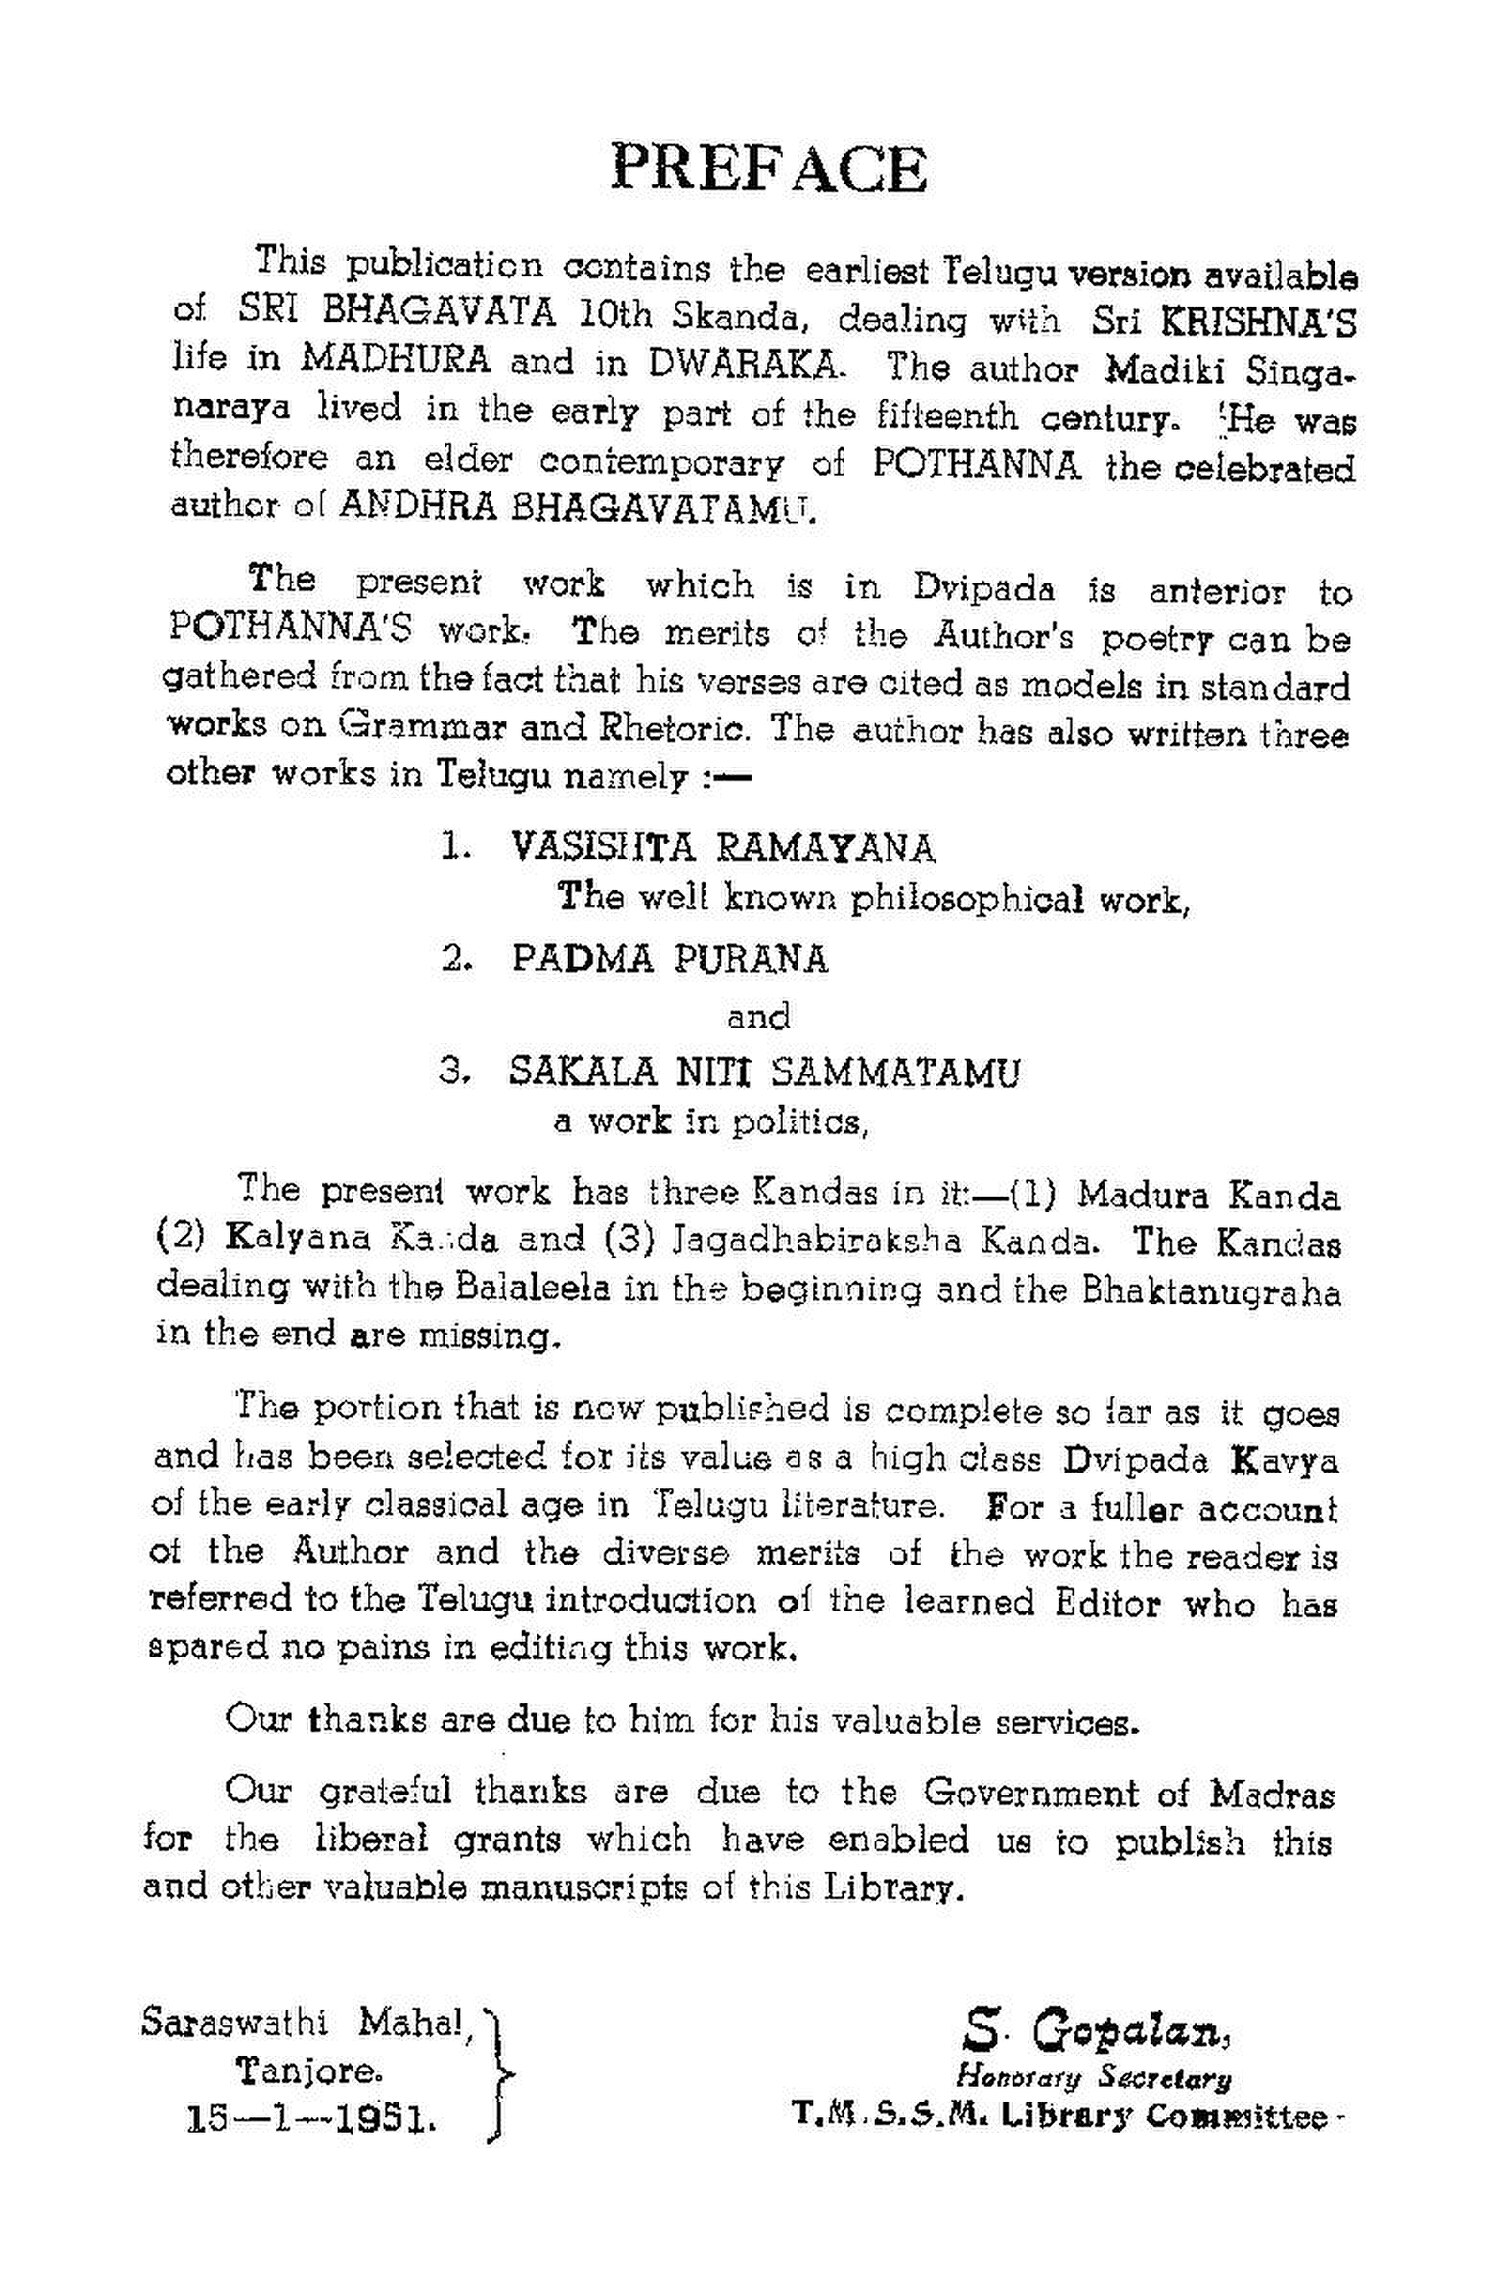This publication contains the earliest Telugu version available of SRI BHAGAVATA 10th Skanda, dealing with Sri KRISHNA'S life in MADHURA and in DWARAKA. The author Madiki Singanaraya lived in the early part of the fifteenth century. He was therefore an elder contemporary of POTHANNA the celebrated author ol ANDHRA BHAGAVATAMU.

The present work which is in Dvipada is anterior to POTHANNA'S work. The merits of the Author's poetry can be gathered from the fact that his verses are cited as models in standard works on Grammar and Rhetoric. The author has also written three other works in Telugu namely:

1. VASISHTA RAMAYANA
The well known philosophical work, 

2. PADMA PURANA
and 

3. SAKALA NITI SAMMATAMU
a work in politics, 

The present work has three Kandas in it:-(1) Madura Kanda (2) Kalyana Kanda and (3) Jagadhabiraksha Kanda. The Kandas dealing with the Balaleela in the beginning and the Bhaktanugraha in the end are missing.

The portion that is now published is complete so far as it goes and has been selected for its value as a high class Dvipada Kavya of the early classical age in Telugu literature. For a fuller account of the Author and the diverse merits of the work the reader is referred to the Telugu introduction of the learned Editor who has spared no pains in editing this work.

Our thanks are due to him for his valuable services.

Our grateful thanks are due to the Government of Madras for the liberal grants which have enabled us to publish this and other valuable manuscripts of this Library.